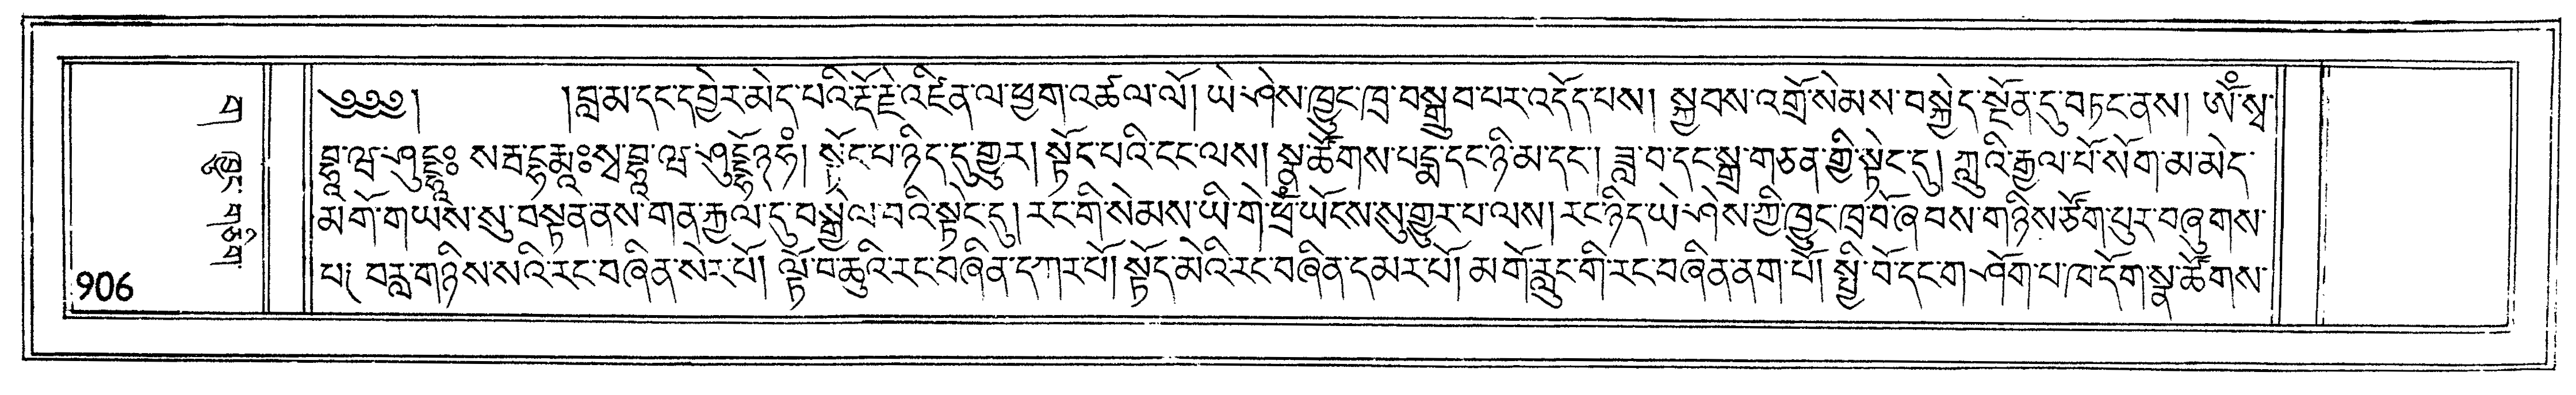༄༅༅། །བླ་མ་དང་དབྱེར་མེད་པའི་རྡོ་རྗེ་འཛིན་ལ་ཕྱག་འཚལ་ལོ། ཡེ་ཤེས་ཁྱུང་ཁྲ་བསྒྲུབ་པར་འདོད་པས། སྐྱབས་འགྲོ་སེམས་བསྐྱེད་སྔོན་དུ་བཏང་ནས། ཨོཾ་སྭ་
བྷཱ་ཝ་ཤུདྡྷཱཿ སརྦ་དྷརྨཱཿ སྭ་བྷཱ་ཝ་ཤུདྡྷོ་ཉ་ཧཾ། སྟོང་པ་ཉིད་དུ་གྱུར། སྟོང་པའི་ངང་ལས། སྣ་ཚོགས་པདམ་དང་ཉི་མ་དང་། ཟླ་བ་དང་སྒྲ་གཅན་གྱི་སྟེང་དུ། ཀླུའི་རྒྱལ་པོ་སོག་མ་མེད་
མགོ་གཡས་སུ་བསྟན་ནས་གན་རྐྱལ་དུ་བསྒྱེལ་བའི་སྟེང་དུ། རང་གི་སེམས་ཡི་གེ་ཕྲོཾ་ཡོངས་སུ་གྱུར་པ་ལས། རང་ཉིད་ཡེ་ཤེས་ཀྱི་ཁྱུང་ཁྲ་བོ་ཞབས་གཉིས་ཙོག་པུར་བཞུགས་
པ༑ བརླ་གཉིས་སའི་རང་བཞིན་སེར་པོ། ལྟོ་བ་ཆུའི་རང་བཞིན་དམར་པོ། སྟོད་མེའི་རང་བཞིན་དམར་པོ། མགོ་རླུང་གི་རང་བཞིན་ནག་པོ། སྤྱི་བོ་དང་གཤོག་པ་ཁ་དོག་སྣ་ཚོགས་